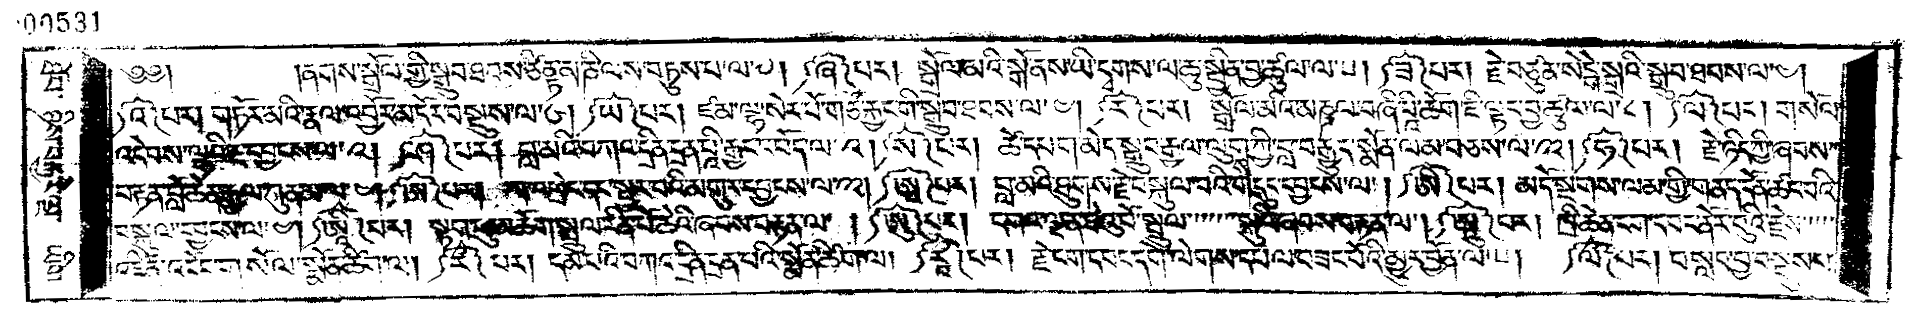༄༅། །ནགས་སྒྲོལ་གྱི་སྒྲུབ་ཐབས་ཙིནྟ་མ་ཎི་ལས་བཏུས་པ་ལ ༧། ༼ཞ༽ པར། སྒྲོལ་མའི་སྒོ་ནས་ཡི་དྭགས་ལ་ཆུ་སྦྱིན་བྱ་ཚུལ་ལ ༥། ༼ཟ༽ པར། རྗེ་བཙུན་སེངྒེ་སྒྲའི་སྒྲུབ་ཐབས་ལ ༤།
༼འ༽ པར། གཏོར་མའི་རྣལ་འབྱོར་མདོར་བསྡུས་ལ ༦། ༼ཡ༽ པར། ཛམ་ལྷ་སེར་པོ་གཙོ་རྐྱང་གི་སྒྲུབ་ཐབས་ལ ༤། ༼ར༽ པར། སྒྲོལ་མའི་མཎྜལ་བཞི་པཱི་ཆོ་ག་ཇི་ལྟར་བྱ་ཚུལ་ལ ༨། ༼ལ༽ པར། གསོལ་
འདེབས་ལྷའི་རྔ་དབྱངས་ལ ༢། ༼ཤ༽ པར། བླ་མའི་བཀའ་དྲིན་དྲན་པཱི་རྒྱང་འབོད་ལ ༢། ༼ས༽ པར། ཚེ་དཔག་མེད་སྒྲུབ་རྒྱལ་ལུགས་ཀྱི་བླ་བརྒྱུད་སྨོན་ལམ་བཅས་ལ ༣། ༼ཧ༽ པར། རྗེ་ཉིད་ཀྱི་ཞབས་
བརྟན་བློ་ཆེན་རྒྱལ་ཀུན་མ་ལ ༤། ༼ཨ༽ པར། ཀ་འཕྲེང་དང་སྦྱར་བའི་མགུར་དབྱངས་ལ ༣། ༼ཨཱ༽ པར། བླ་མའི་ཐུགས་རྗེ་བསྐུལ་བའི་གདུང་དབྱངས་ལ། ༼ཨི༽ པར། མདོ་སྔགས་ལམ་གྱི་གནད་དོན་ཆིང་བའི་
བསྐུལ་དབྱངས་ལ ༤། ༼ཨཱི༽ པར། སྟག་ཕུ་མཆོག་སྤྲུལ་རིན་པོ་ཆེའི་ཞབས་བརྟན་ལ་།༼ཨུ༽ པར། དགའ་ལྡན་ཐེའུ་བོ་སྤྲུལ་སྐུའི་ཞབས་བརྟན་ལ། ༼ཨཱུ༽ པར། ཁྲི་ཆེན་ངག་དབང་ནོར་བུའི་རྗེས་
འཛིན་འདོད་གསོལ་སྨོན་ཚིག་ལ། ༼རྀ༽ པར། དམ་པའི་བཀའ་དྲིན་དྲན་པའི་སྨོན་ཚིག་ལ། ༼རཱྀ༽ པར། རྗེ་ངག་དབང་དགེ་ལེགས་དཔལ་བཟང་པོའི་མྱུར་བྱོན་ལ ༥། ༼ལྀ༽ པར། བསླབ་བྱ་བསྡུས་པ་